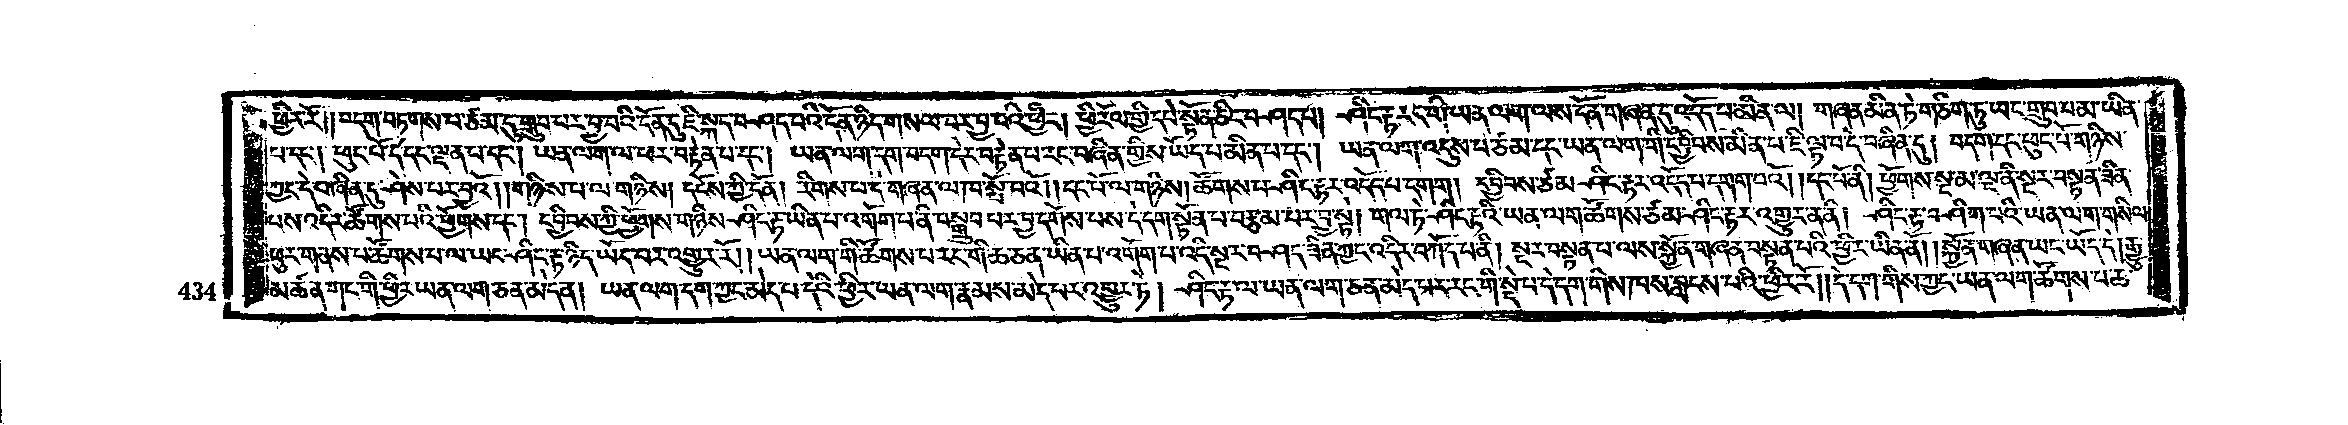ཕྱིར་རོ། །བདག་བཏགས་པ་ཙམ་དུ་གྲུབ་པར་བྱ་བའི་དོན་དུ་ཇི་སྐད་བཤད་པའི་དོན་ཉིད་གསལ་བར་བྱ་བའི་ཕྱིར། ཕྱི་རོལ་གྱི་དཔེ་སྟོན་ཅིང་བཤད་པ། ཤིང་རྟ་རང་གི་ཡན་ལག་ལས་དོན་གཞན་དུ་འདོད་པ་མིན་ལ། གཞན་མིན་ཏེ་གཅིག་ཏུ་ཡང་གྲུབ་པ་མ་ཡིན་
པ་དང་། ཕུང་པོ་དེ་དང་ལྡན་པ་དང་། ཡན་ལག་ལ་ཕར་བརྟེན་པ་དང་། ཡན་ལག་དག་བདག་དེར་བརྟེན་པ་རང་བཞིན་གྱིས་ཡོད་པ་མིན་པ་དང་། ཡན་ལག་འདུས་པ་ཙམ་དང་ཡན་ལག་གི་དབྱིབས་མིན་པ་ཇི་ལྟ་བ་དེ་བཞིན་དུ། བདག་དང་ཕུང་པོ་གཉིས་
ཀྱང་དེ་བཞིན་དུ་ཤེས་པར་བྱའོ། །གཉིས་པ་ལ་གཉིས། དངོས་ཀྱི་དོན། རིགས་པ་དེ་གཞན་ལ་ཁ་སྤོ་བའོ། །དང་པོ་ལ་གཉིས། ཚོགས་པ་ཤིང་རྟར་འདོད་པ་དགག །དབྱིབས་ཙམ་ཤིང་རྟར་འདོད་པ་དགག་པའོ། །དང་པོ་ནི། ཕྱོགས་སྔ་མ་ལྔ་ནི་སྔར་བསྟན་ཟིན་
པས་འདིར་ཚོགས་པའི་ཕྱོགས་དང་། དབྱིབས་ཀྱི་ཕྱོགས་གཉིས་ཤིང་རྟ་ཡིན་པ་འགོག་པ་ནི་བསྒྲུབ་པར་བྱ་དགོས་པས་དེ་དག་སྟོན་པ་བརྩམ་པར་བྱ་སྟེ། གལ་ཏེ་ཤིང་རྟའི་ཡན་ལག་ཚོགས་ཙམ་ཤིང་རྟར་འགྱུར་ན་ནི། ཤིང་རྟ་བཤིག་པའི་ཡན་ལག་གསིལ་
བུར་གནས་པ་ཚོགས་པ་ལ་ཡང་ཤིང་རྟ་ཉིད་ཡོད་པར་འགྱུར་རོ། །ཡན་ལག་གི་ཚོགས་པ་རང་གི་ཆ་ཅན་ཡིན་པ་འགོག་པ་འདི་སྔར་བཤད་ཟིན་ཀྱང་འདིར་བཀོད་པ་ནི། སྔར་བསྟན་པ་ལས་སྐྱོན་གཞན་བསྟན་པའི་ཕྱིར་ཡིན་ནོ། །སྐྱོན་གཞན་ཡང་ཡོད་དེ། རྒྱུ་
མཚན་གང་གི་ཕྱིར་ཡན་ལག་ཅན་མེད་ན། ཡན་ལག་དག་ཀྱང་མེད་པ་དེའི་ཕྱིར་ཡན་ལག་རྣམས་མེད་པར་འགྱུར་ཏེ། ཤིང་རྟ་ལ་ཡན་ལག་ཅན་མེད་པར་རང་གི་སྡེ་པ་དེ་དག་གིས་ཁས་བླངས་པའི་ཕྱིར་རོ། །དེ་དག་གིས་ཀྱང་ཡན་ལག་ཚོགས་པ་ཆ་